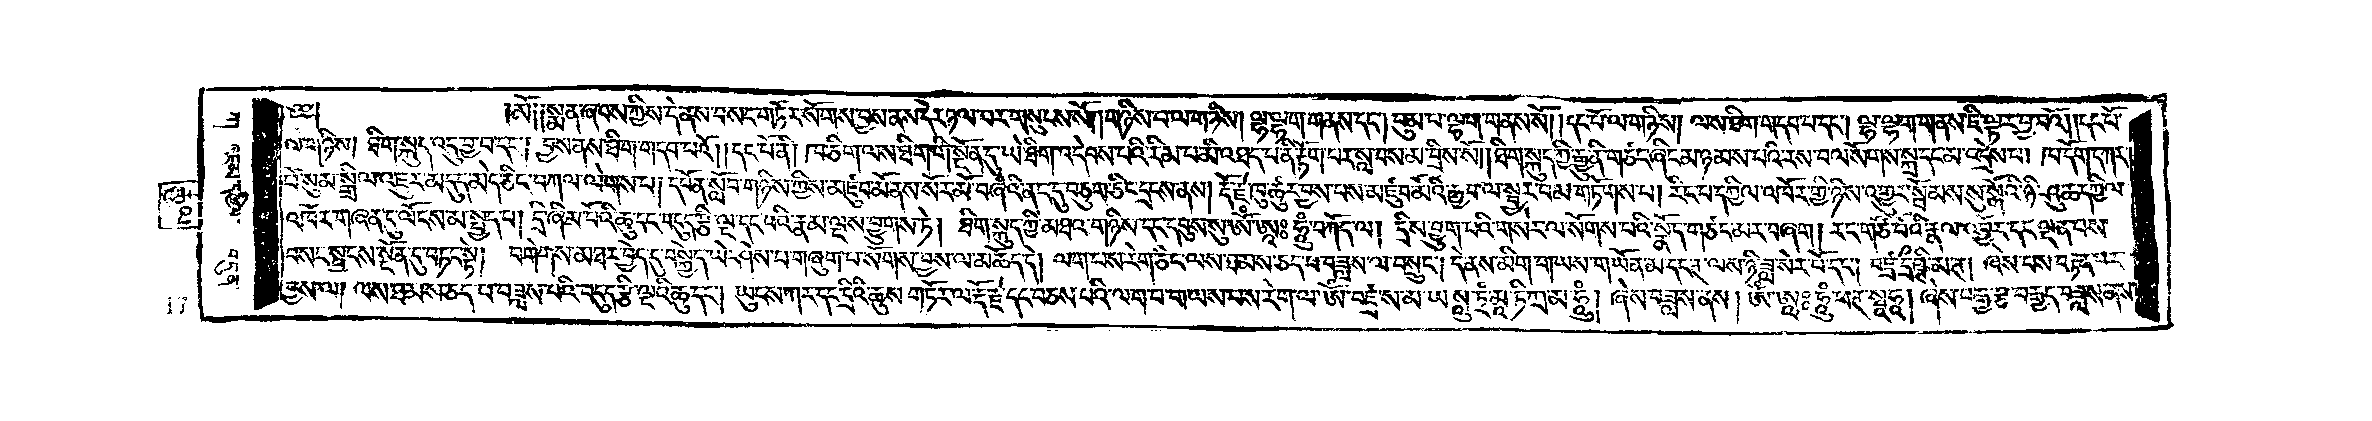༄༅། །མོ། །སྨན་ཞབས་ཀྱིས་དེ་ནས་བསང་གཏོར་སོགས་བྱས་ནས་དེར་ཉལ་བར་གསུངས་སོ། །གཉིས་པ་ལ་གཉིས། ལྷ་ལྷག་གནས་དང་། བུམ་པ་ལྷག་གནས་སོ། །དང་པོ་ལ་གཉིས། ལས་ཐིག་གདབ་པ་དང་། ལྷ་ལྷག་གནས་ཇི་ལྟར་བྱ་བའོ། །དང་པོ་
ལ་གཉིས། ཐིག་སྐུད་འདུ་བྱ་བ་དང་། བྱས་ནས་ཐིག་གདབ་པའོ། །དང་པོ་ནི། ཁ་ཅིག་ལས་ཐིག་གི་སྔོན་དུ་ཡེ་ཐིག་འདེབས་པའི་རིམ་པ་མི་འཐད་པ་ནི་རྟོག་པར་སླ་བས་མ་བྲིས་སོ། །ཐིག་སྐུད་ཀྱི་རྒྱུ་ནི་གཙང་ཞིང་མ་ཉམས་པའི་རས་བལ་སོགས་སྐྲ་དང་མ་འདྲེས་པ། ཁ་དོག་དཀར་
པོ་སུམ་སྒྲིལ་འཇུར་མདུད་མེད་ཅིང་བཀལ་ལེགས་པ། དཔོན་སློབ་གཉིས་ཀྱིས་མཛུབ་མོ་ནས་སོར་མོ་བཞིའི་ནང་དུ་བཅུག་ཅིང་དྲངས་ནས། རྡོ་རྗེ་ཁུ་ཚུར་བྱས་པས་མཛུབ་མོའི་རྒྱབ་ལ་སྦྱར་བམ་གཏོགས་པ། རིང་པ་དཀྱིལ་འཁོར་གྱི་ཉིས་འགྱུར་སྦོམས་སུ་སྒོའི་ཉི་ཤུ་ཆ་དཀྱིལ་
འཁོར་གཞན་དུ་ལོངས་མ་སྤྱད་པ། དྲི་ཞིམ་པོའི་ཆུ་དང་བདུད་རྩི་ལྔ་དང་པའི་རྣམ་ལྔས་བྱུགས་ཏེ། ཐིག་སྐུད་ཀྱི་མཐའ་གཉིས་དང་དབུས་སུ་ཨོཾ་ཨཱཿ ཧཱུཾ་བཀོད་ལ། དྲིས་བྱུག་པའི་གསེར་ལ་སོགས་པའི་སྣོད་གཙང་མར་བཞག །རང་གཙོ་བོའི་རྣལ་འབྱོར་དང་ལྡན་པས་
བསང་སྦྱངས་སྔོན་དུ་བཏང་སྟེ། བགེགས་མཐར་བྱེད་དུ་བསྐྱེད་ཡེ་ཤེས་པ་གཞུག་པ་སོགས་བྱས་ལ་མཆོད་དེ། ལག་པས་རེག་ཅིང་ལས་ཐམས་ཅད་པ་བཟླས་ལ་བསྲུང་། དེ་ནས་མིག་གཡས་གཡོན་མ་དང་ཊ་ལས་ཉི་ཟླ་སེར་པོ་དང་། བྫྲ་དྲྀཥྚི་མ་ཊ། ཞེས་པས་བརྟན་པར་
བྱས་ལ། ལས་ཐམས་ཅད་པ་བཟླས་པའི་བདུད་རྩི་ལྔའི་ཆུ་དང་། ཡུངས་ཀར་དང་དྲིའི་ཆུས་གཏོར་ལ་རྡོ་རྗེ་དང་བཅས་པའི་ལག་པ་གཡས་པས་རེག་ལ་ཨོཾ་བཛྲ་ས་མ་ཡ་སླུ་ཏྲཾ་མཱ་ཏི་ཀྲ་མ་ཧཱུཾ། ཞེས་བཟླས་ནས། ཨོཾ་ཨཱཿ ཧཱུཾ་ཕཊ་སྭཱཧཱ། ཞེས་བརྒྱ་རྩ་བརྒྱད་བཟླས་ནས་